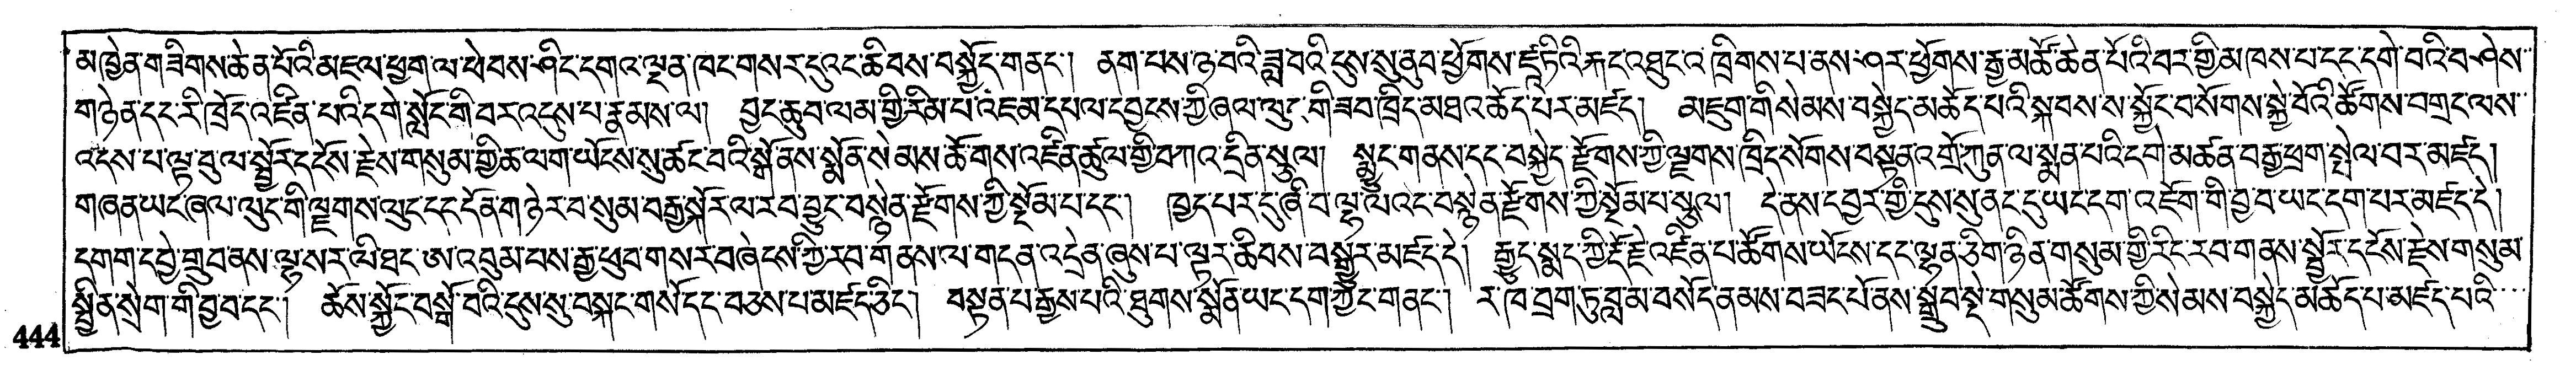མཁྱེན་གཟིགས་ཆེན་པོའི་མཇལ་ཕྱག་ལ་ཕེབས་ཤིང་དགའ་ལྡན་ཁང་གསར་དུའང་ཆིབས་བསྐྱོད་གནང་། ནག་པས་ཉ་བའི་ཟླ་བའི་དུས་སུ་ནུབ་ཕྱོགས་ཛའ་ཏིའི་རྐང་འཐུང་འཁྲིགས་བ་ནས་ཤར་ཕྱོགས་རྒྱ་མཚོ་ཆེན་པོའི་བར་གྱི་མཁས་བ་དང་དགེ་བའི་བཤེས་
གཉེན་དང་རི་ཁྲོད་འཛིན་པའི་དགེ་སློང་གི་བར་འདུས་པ་རྣམས་ལ། བྱང་ཆུབ་ལམ་གྱི་རིམ་པ་འཇམ་དཔལ་དབྱངས་ཀྱི་ཞལ་ལུང་གི་ཟབ་ཁྲིད་མཐའ་ཆོད་པར་མཛད། མཇུག་གི་སེམས་བསྐྱེད་མཆོད་པའི་སྐབས་ས་སྐྱོང་བ་སོགས་སྐྱེ་བོའི་ཚོགས་བགྲང་ལས་
འདས་པ་ལྟ་བུ་ལ་སྦྱོར་དངོས་རྗེས་གསུམ་གྱི་ཆ་ལག་ཡོངས་སུ་ཚང་བའི་སྒོ་ནས་སྨོན་སེམས་ཆོགས་འཛིན་ཚུལ་གྱི་བཀའ་དྲིན་སྩལ། སྨྱུང་གནས་དང་བསྐྱེད་རྫོགས་ཀྱི་ལྗགས་ཁྲིད་སོགས་བསྟན་འགྲོ་ཀུན་ལ་སྨན་པའི་དགེ་མཚན་བརྒྱ་ཕྲག་སྤེལ་བར་མཛད།
གཞན་ཡང་ཞལ་ལུང་གི་ལྗགས་ལུང་དང་དོན་གཉེར་བ་སུམ་བརྒྱ་སྐོར་ལ་རབ་བྱུང་བསྙེན་རྫོགས་ཀྱི་སྡོམ་པ་དང་། ཁྱད་པར་དུ་ཞི་བ་ལྷ་ལའང་བསྙེན་རྫོགས་ཀྱི་སྡོམ་པ་སྩལ། དེ་ནས་དབྱར་གྱི་དུས་སུ་ནང་དུ་ཡང་དག་འཇོག་གི་བྱ་བ་ཡང་དག་པར་མཛད་དེ།
དགག་དབྱེ་གྲུབ་ནས་ལྷ་སར་ལི་ཐང་ཨ་འབུམ་པས་རྒྱ་ཕུབ་གསར་བཞེངས་ཀྱི་རབ་གནས་ལ་གདན་འདྲེན་ཞུས་པ་ལྷར་ཆིབས་བསྒྱུར་མཛད་དེ། རྒྱུད་སྨད་ཀྱི་རྡོ་རྗེ་འཛིན་པ་ཚོགས་ཡོངས་དང་ལྷན་ཅིག་ཉིན་གསུམ་གྱི་རིང་རབ་གནས་སྤྱོར་དངོས་རྗེས་གསུམ་
སྦྱིན་སྲེག་གི་བྱ་བ་དང་། ཆོས་སྐྱོད་བསྒོ་བའི་དུས་སུ་བསྐང་གསོ་དང་བཅས་པ་མཛད་ཅིང་། བསྟན་པ་རྒྱས་པའི་ཐུགས་སྨོན་ཡང་དག་ཀྱང་གནང་། ར་ཁ་བྲག་ཏུ་བླ་མ་བསོད་ནམས་བཟང་པོ་ནས་སྒྲུབ་སྡེ་གསུམ་ཚོགས་ཀྱི་སེམས་བསྐྱེད་མཆོད་པ་མཛད་པའི་